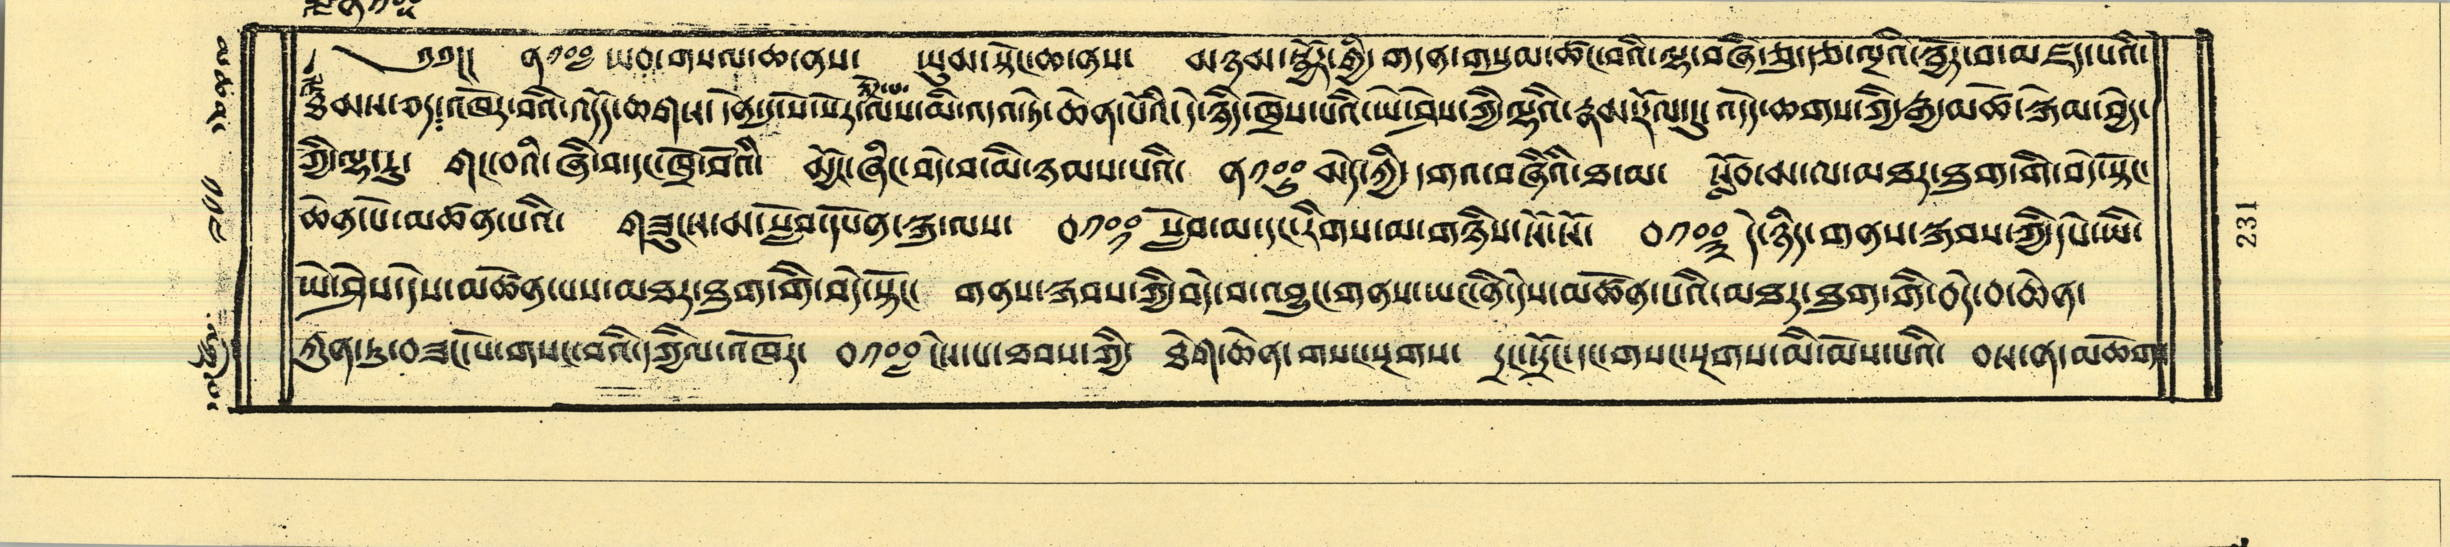ན༡༠༠།༤ ༼ཡབ་༽གསལ་ཆ་ནས། ༼ཡུམ་༽སྟོང་ཆ་ནས། ༼མཉམ་སྦྱོར་གྱི་༽གདན་གསུམ་ཚང་བའི་ལྷ་བཞི་ཅུ་རྩ་ལྔའི་སྦྱོར་བ་མཛད་པའི་
ན༡༠༠།༥ ༼ཐམས་ཅད་༽འཁོར་བའི་ ༼འདོད་ཆགས་༽དོན་དུ་སོ་སོར་རྟོགས་པ་ལས་མི་འདའ་ཏེ་ ༼ཆེན་པོའི་༽དེ་ཉིད་ཁྲོས་པའི་ཡེ་ཤེས་ཀྱི་ལྷའི་ ༼རྣམ་རོལ་དུ་༽འདོད་ཆགས་ཀྱི་རྒྱ་མཚོ་སྐེམ་བྱེད་
ཀྱི་ལྷ་རུ། ༼གང་བའི་༽ཞི་བ་དང་ཁྲོ་བོའི་ ༼མྱོང་ཞིང་༽བདེ་བ་མི་ཉམས་པའི་ན༡༠༠།༦ ༼མེད་ཀྱི་༽དགའ་བཞིའི་ཐ་མ་ ༼སློབ་མ་ལ་༽མཐར་ཐུག་གི་བདེ་སྟོང་
ཆེན་པོ་མཚན་པའི་ ༼གཟུངས་མ་༽སློབ་དཔོན་སྐུ་ལས་བ༡༠༠།༡ སློབ་མ་དང་རིགས་མ་གཉིས་ ༼སོ་སོ་༽བ༡༠༠།༣ ༼དེ་ཉིད་༽གནས་སྐབས་ཀྱི་དཔེ་ཡི་
ཡེ་ཤེས་དེས་མཚོན་པས་མཐར་ཐུག་གི་བདེ་སྟོང། གནས་སྐབས་ཀྱི་བདེ་བ་འབྱུང་གནས་ཡང་ནི་དེས་མཚོན་པའི་མཐར་ཐུག་གི་ ༼བདེ་བ་ཆེན་
ཀུན་ཏུ་བཟང་༽པོ་གསང་བའི་དཀྱིལ་འཁོར་བ༡༠༠།༤ ༼ངེས་པ་༽ཐབས་ཀྱི་ ༼ཐེག་ཆེན་༽གསང་སྔགས་ ༼དྲང་སྲོང་༽དང་གསང་སྔགས་མི་མོས་པའི་ ༼བས་༽ན་མཆོག་